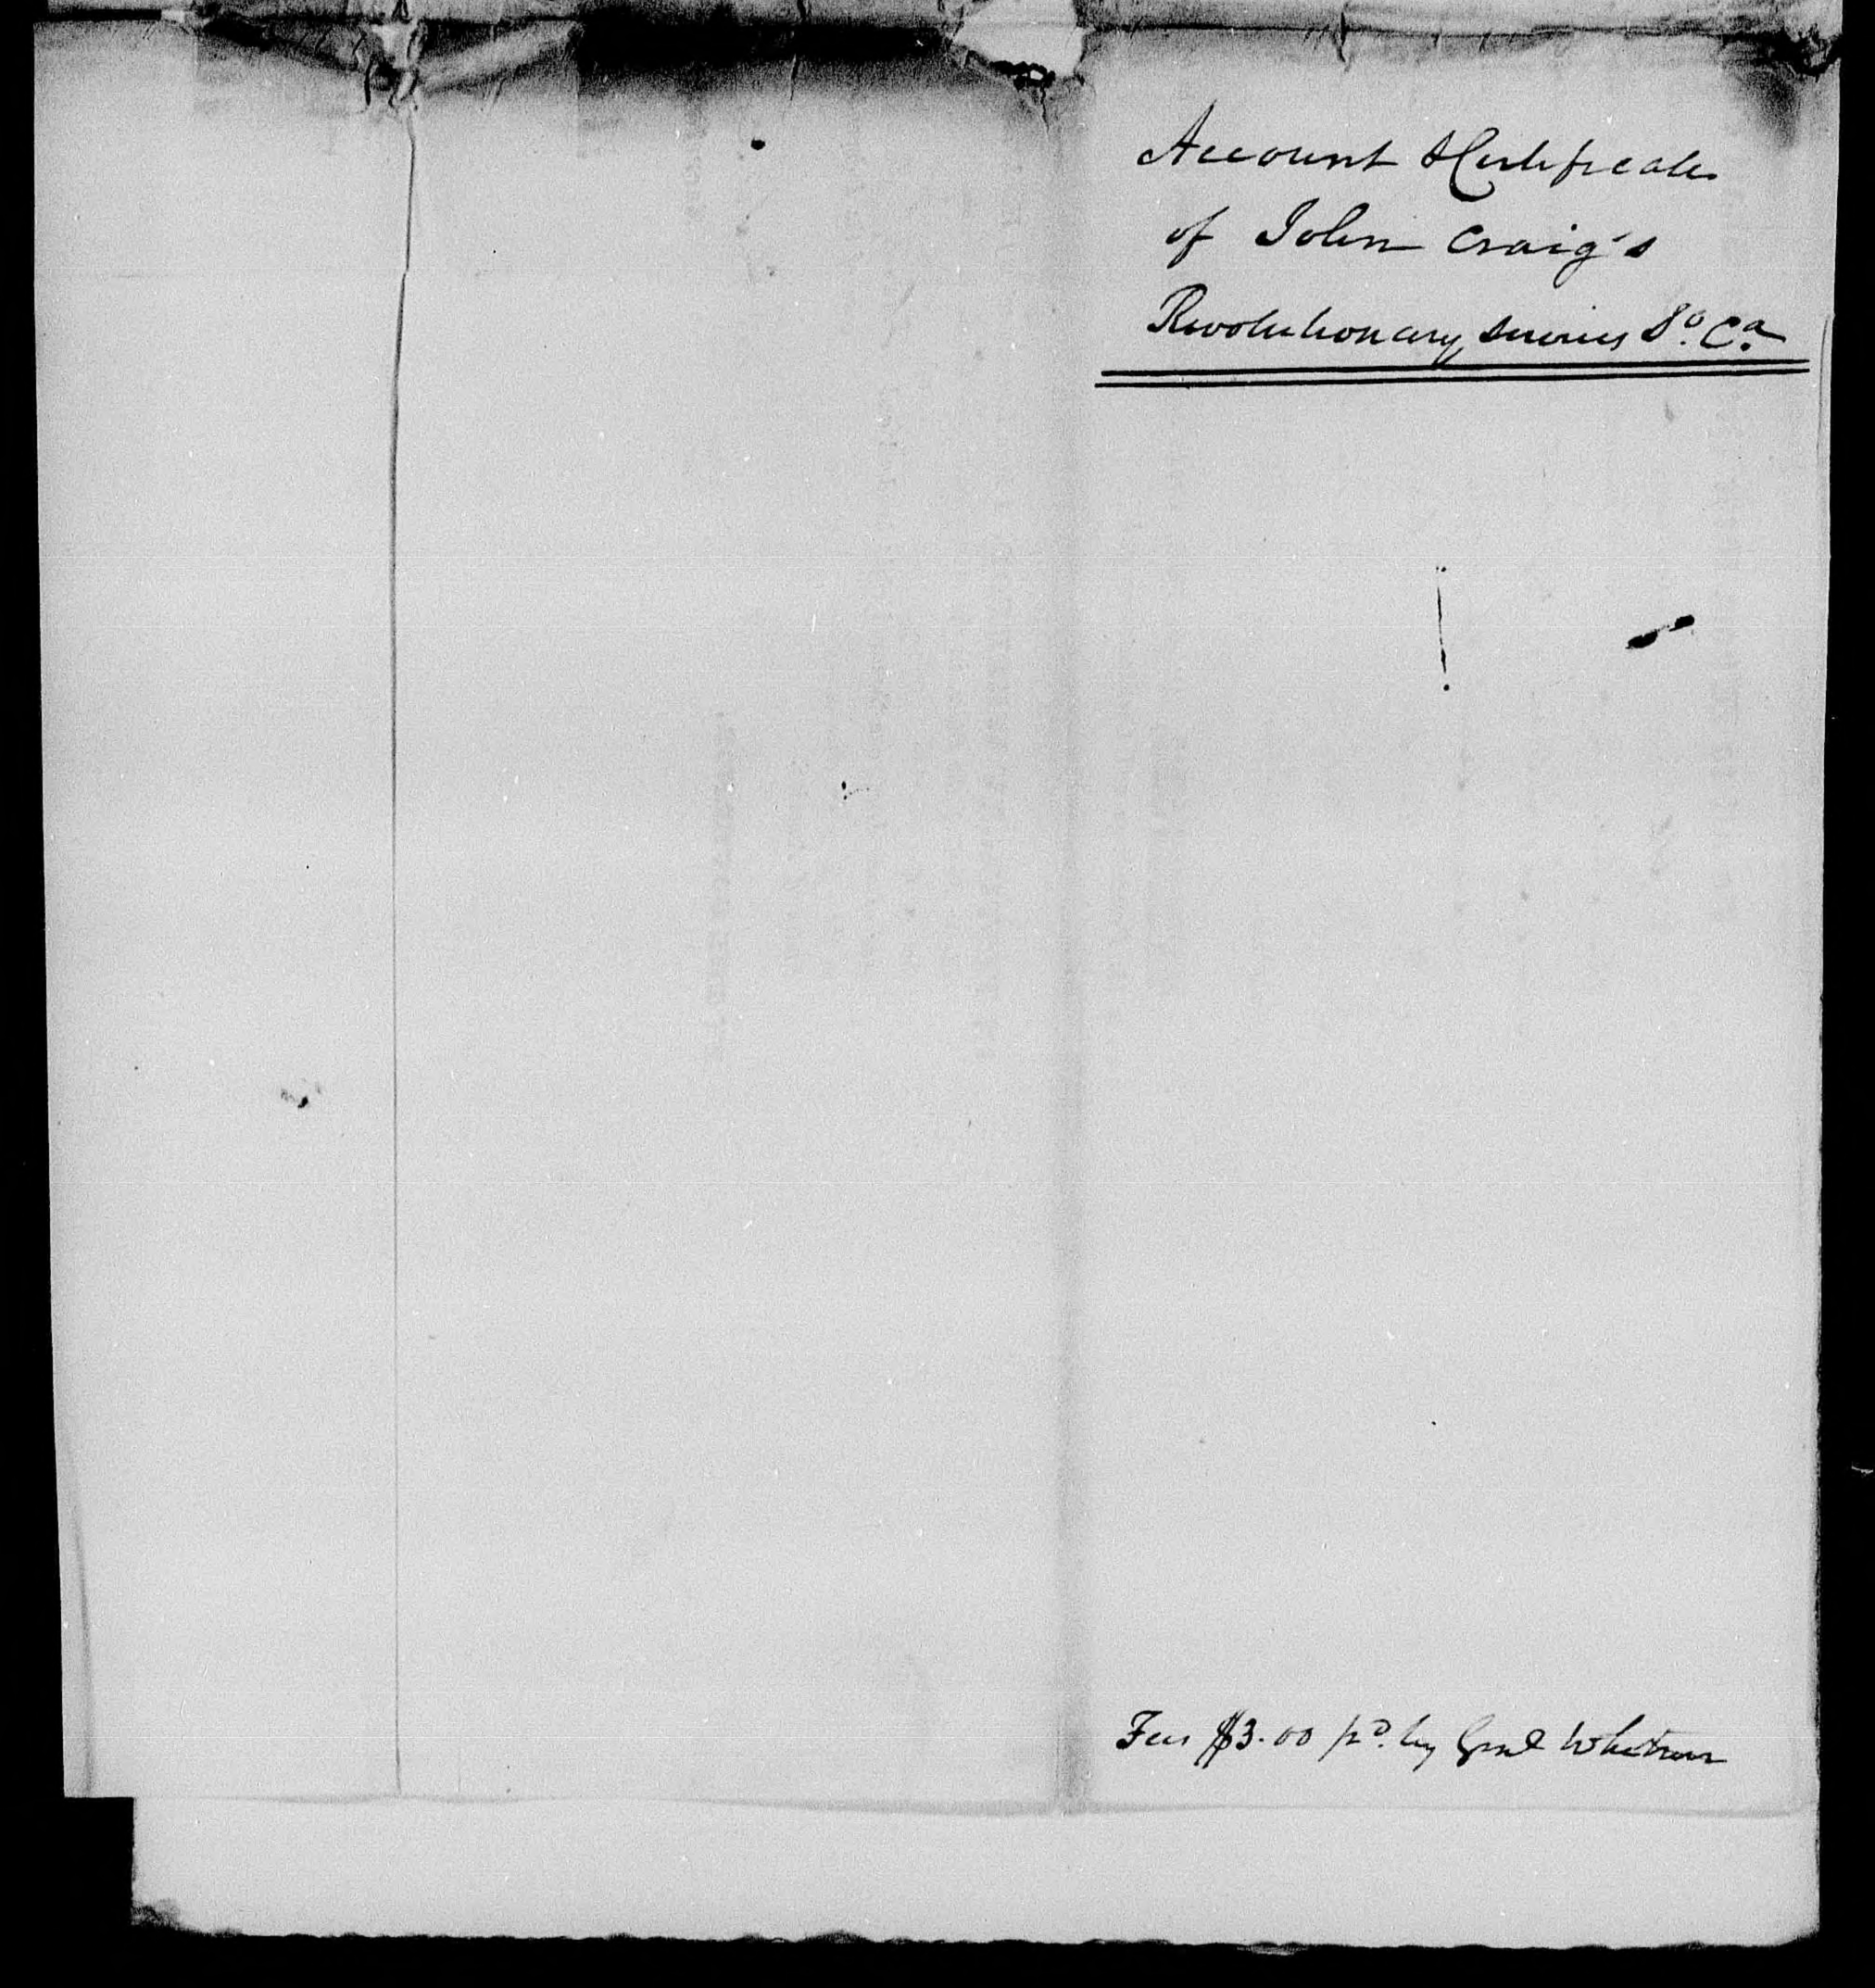Account & Certificate
of John Craig's
Revolutionary services So. Ca.

Fees $3.00 pd by Genl. Wheaton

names: Whitner, John Craig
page: 32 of 55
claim: widow's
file: W. 22864, John Craig, S.C. Born In Iceland